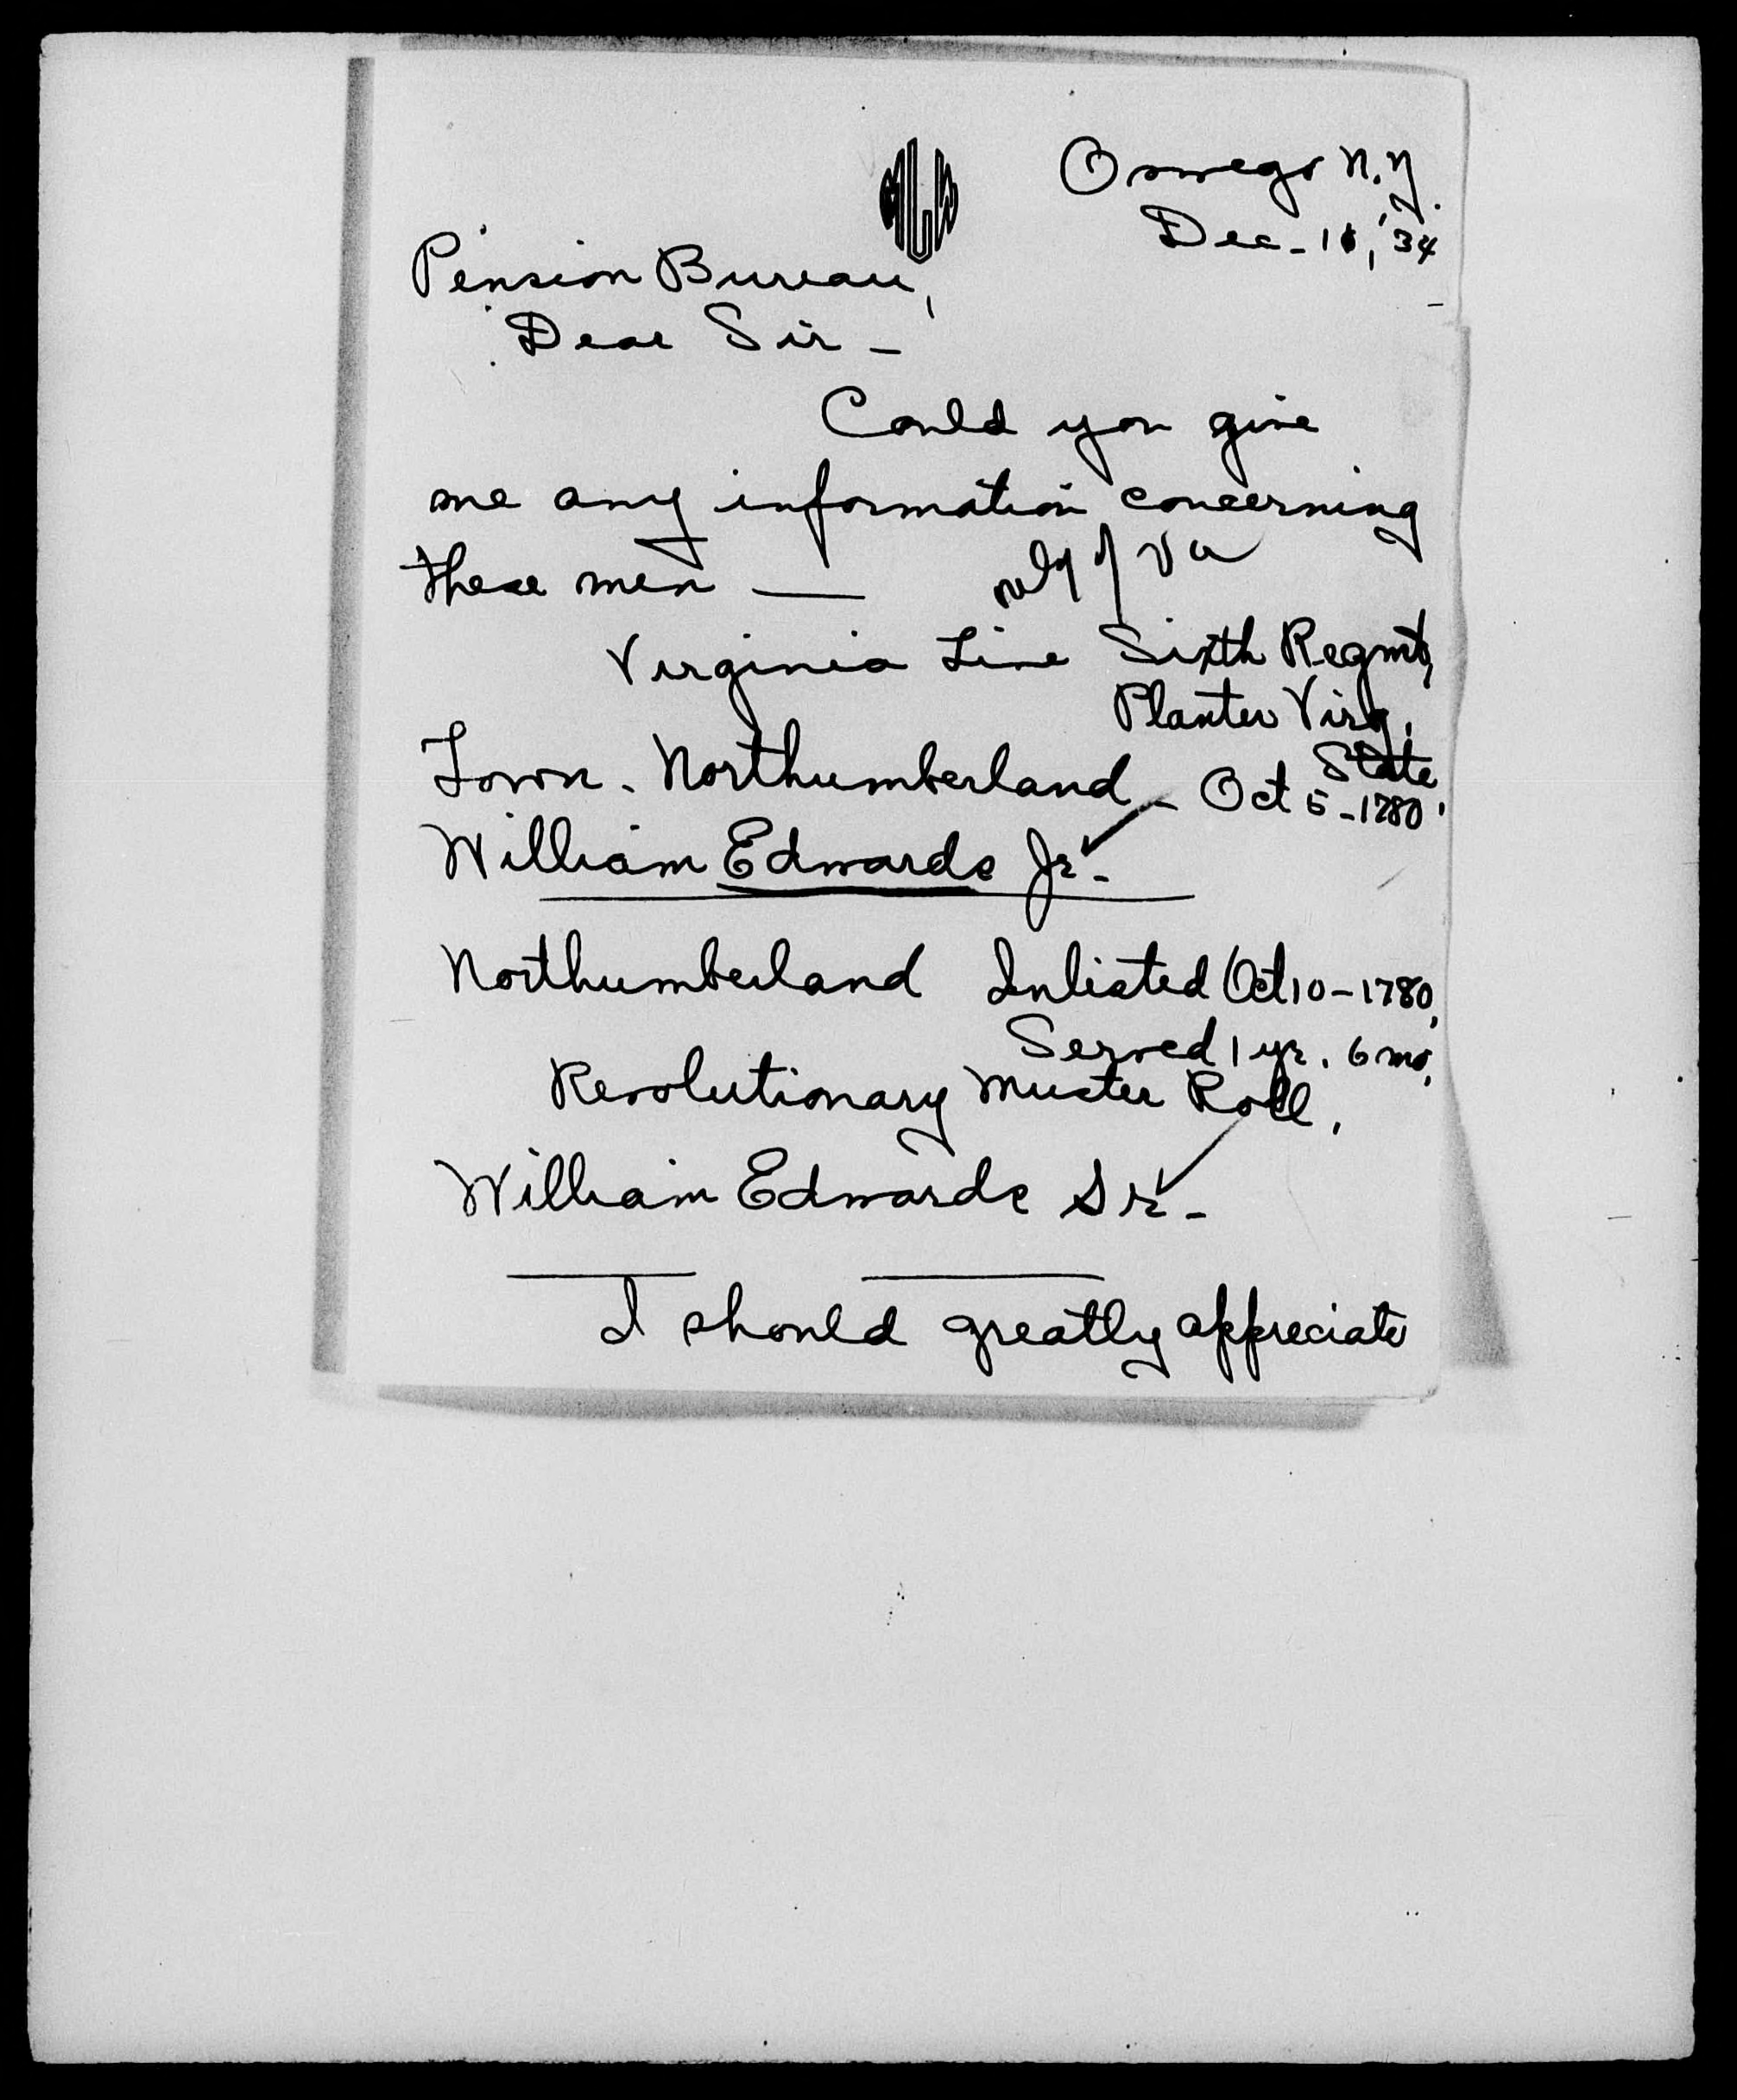Orange N.Y.
Dec - 11, '34
Pension Bureau,
Dear Sir -
Could you give me any information concerning these men - 
Virginia Line [note: only of Va] Sixth Regmt
Planter Virg, State
Town - Northumderland - Oct 5 - 1780
William Edwards Jr.
Northumberland Inlisted Oct 10 - 1780, 
Served 1 yr. 6 mo.
Revolutionary Muster Roll.
William Edwards Sr.

I should greatly appreciate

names: William Edwards, William Edwards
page: 34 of 47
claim: survivor's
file: S. 3,322, William Edwards, Va.